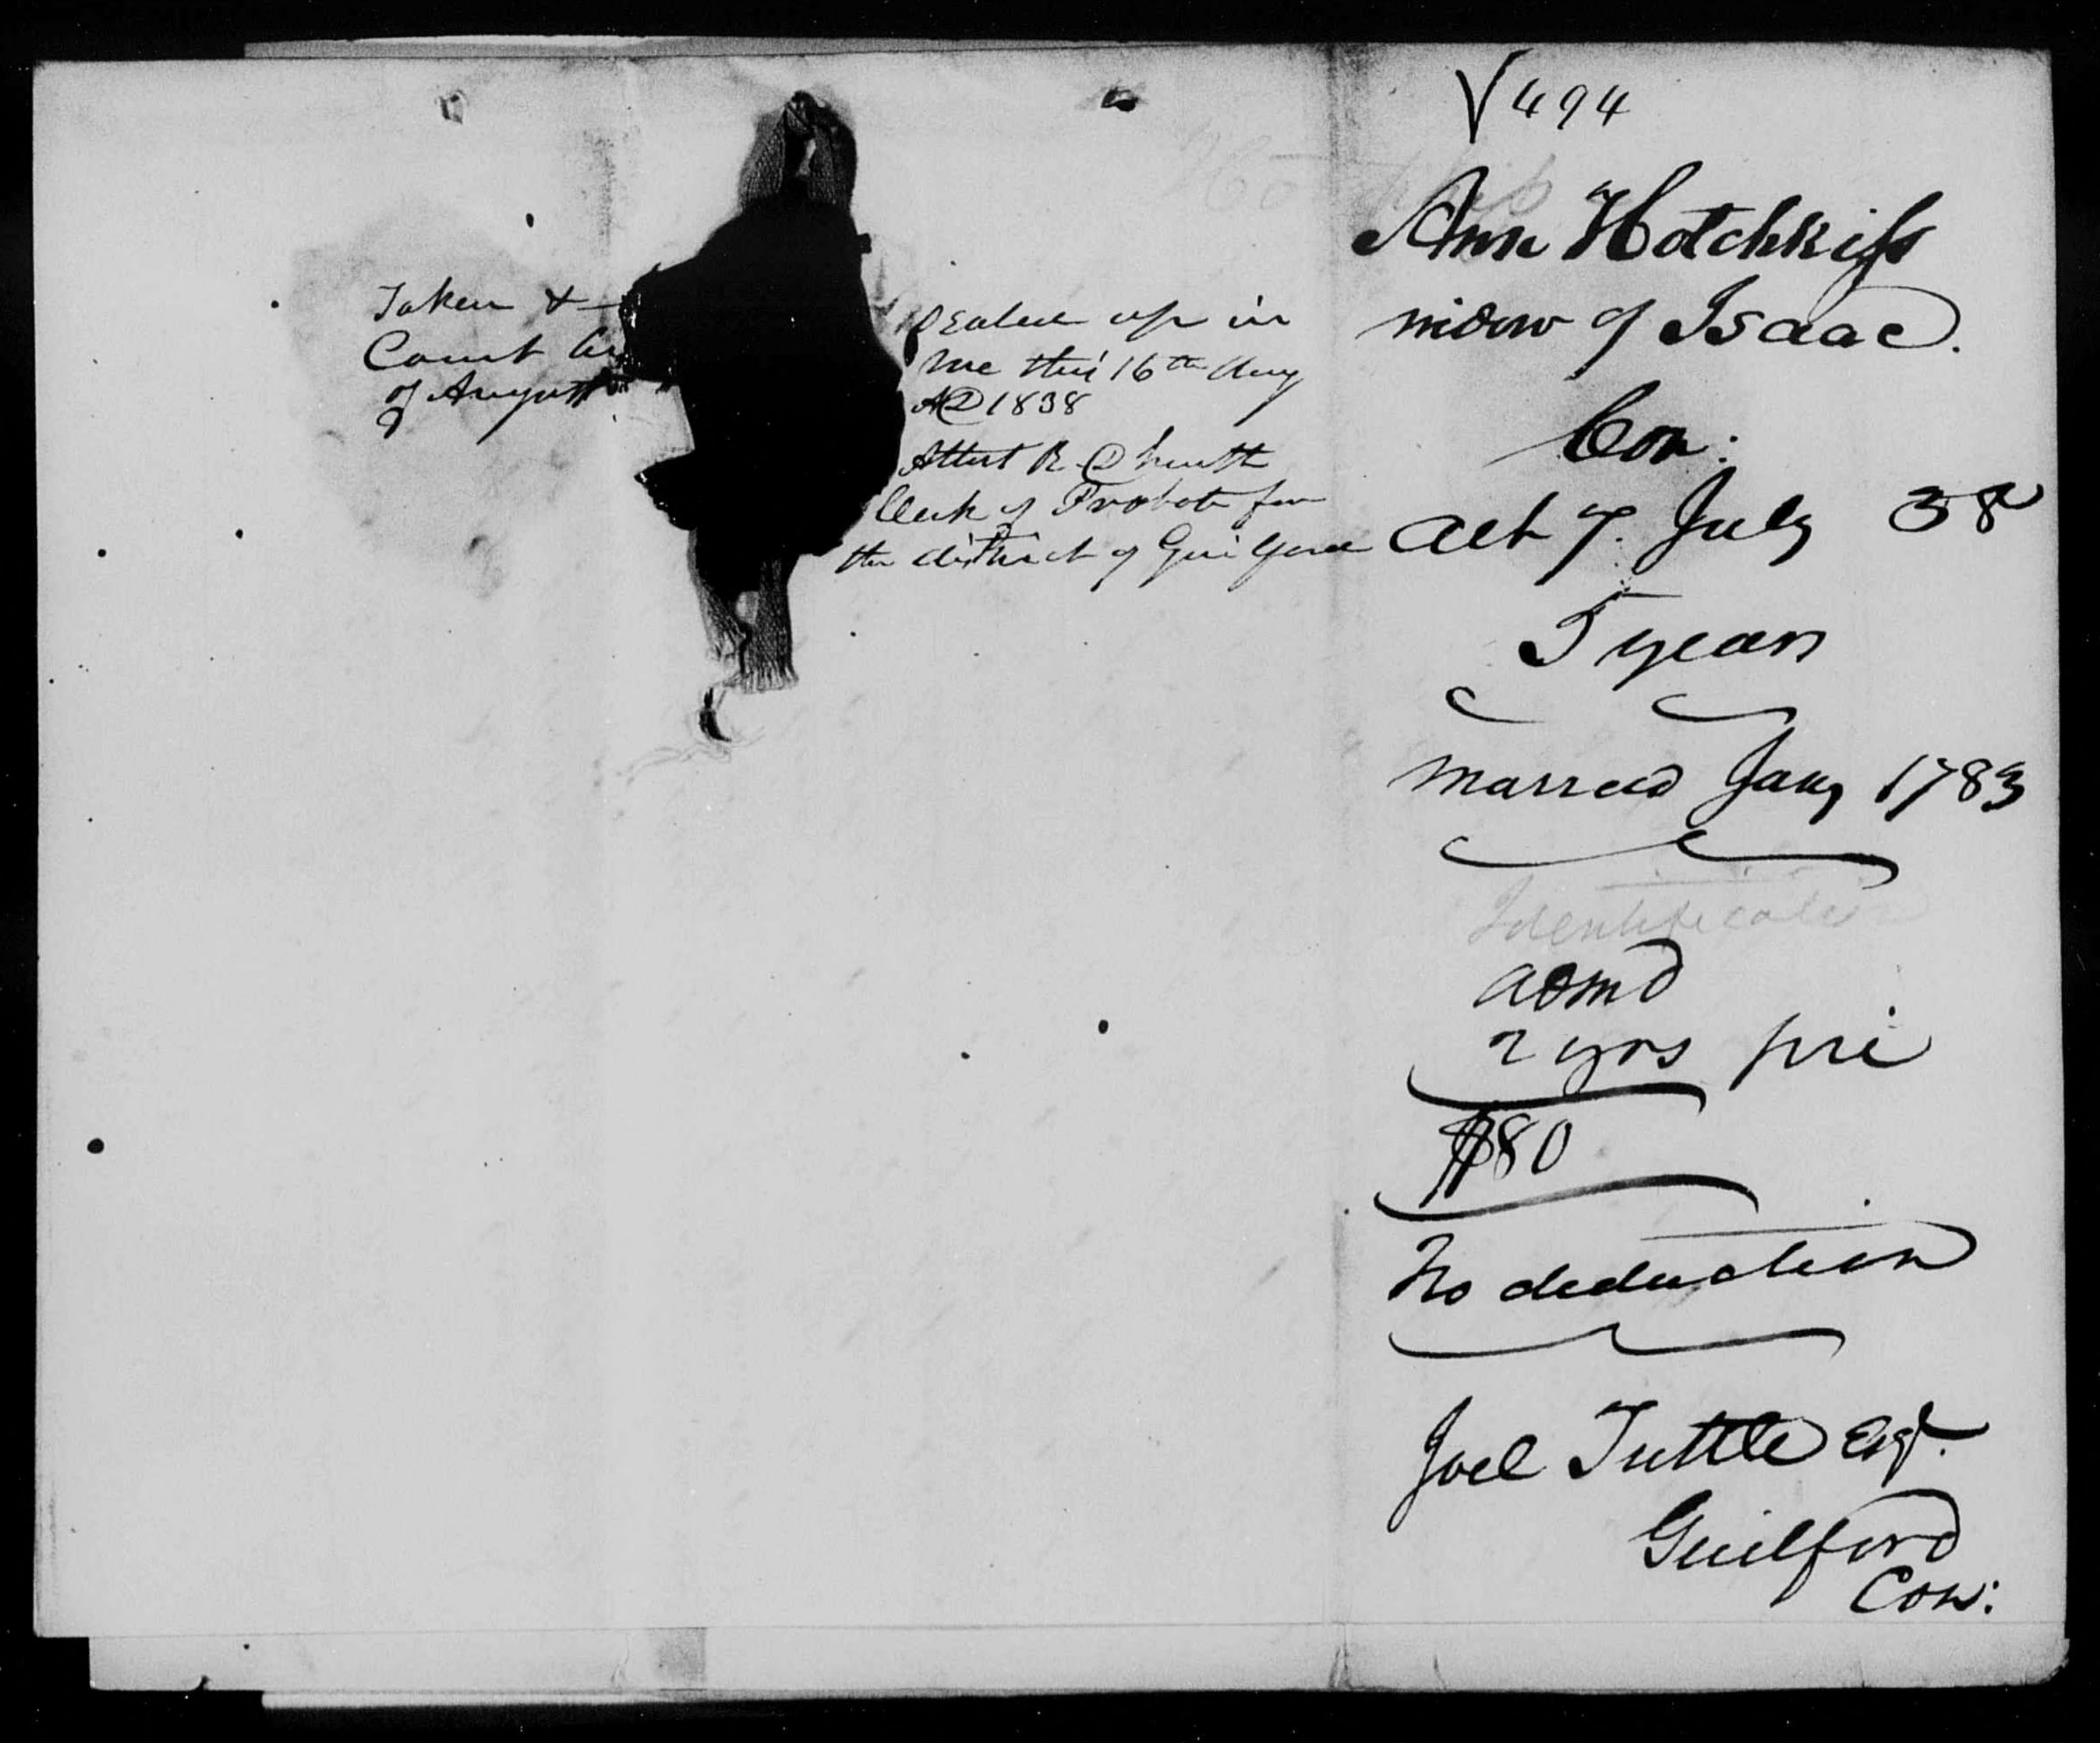Taken + {ink spot} sealed up in 
Court {ink spot} sue this 16th day 
of August {ink spot} AD 1838
Attest R D Smith
Clerk of Probate for the district of Guilford
V494
Anna Hotchkiss
widow of Isaac
Con:
Act of July 38
5 year
married Jan, 1783
aomd {?}
2 yrs {illegible}
$80
no declaration
Joel Tuttle Esq.
Guildford
Con:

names: R D Smith, Isaac Hotchkiss, Ann Hotchkiss, Joel Tuttle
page: 10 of 25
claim: widow's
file: W. 18,021, Isaac Hotchkiss, Conn.